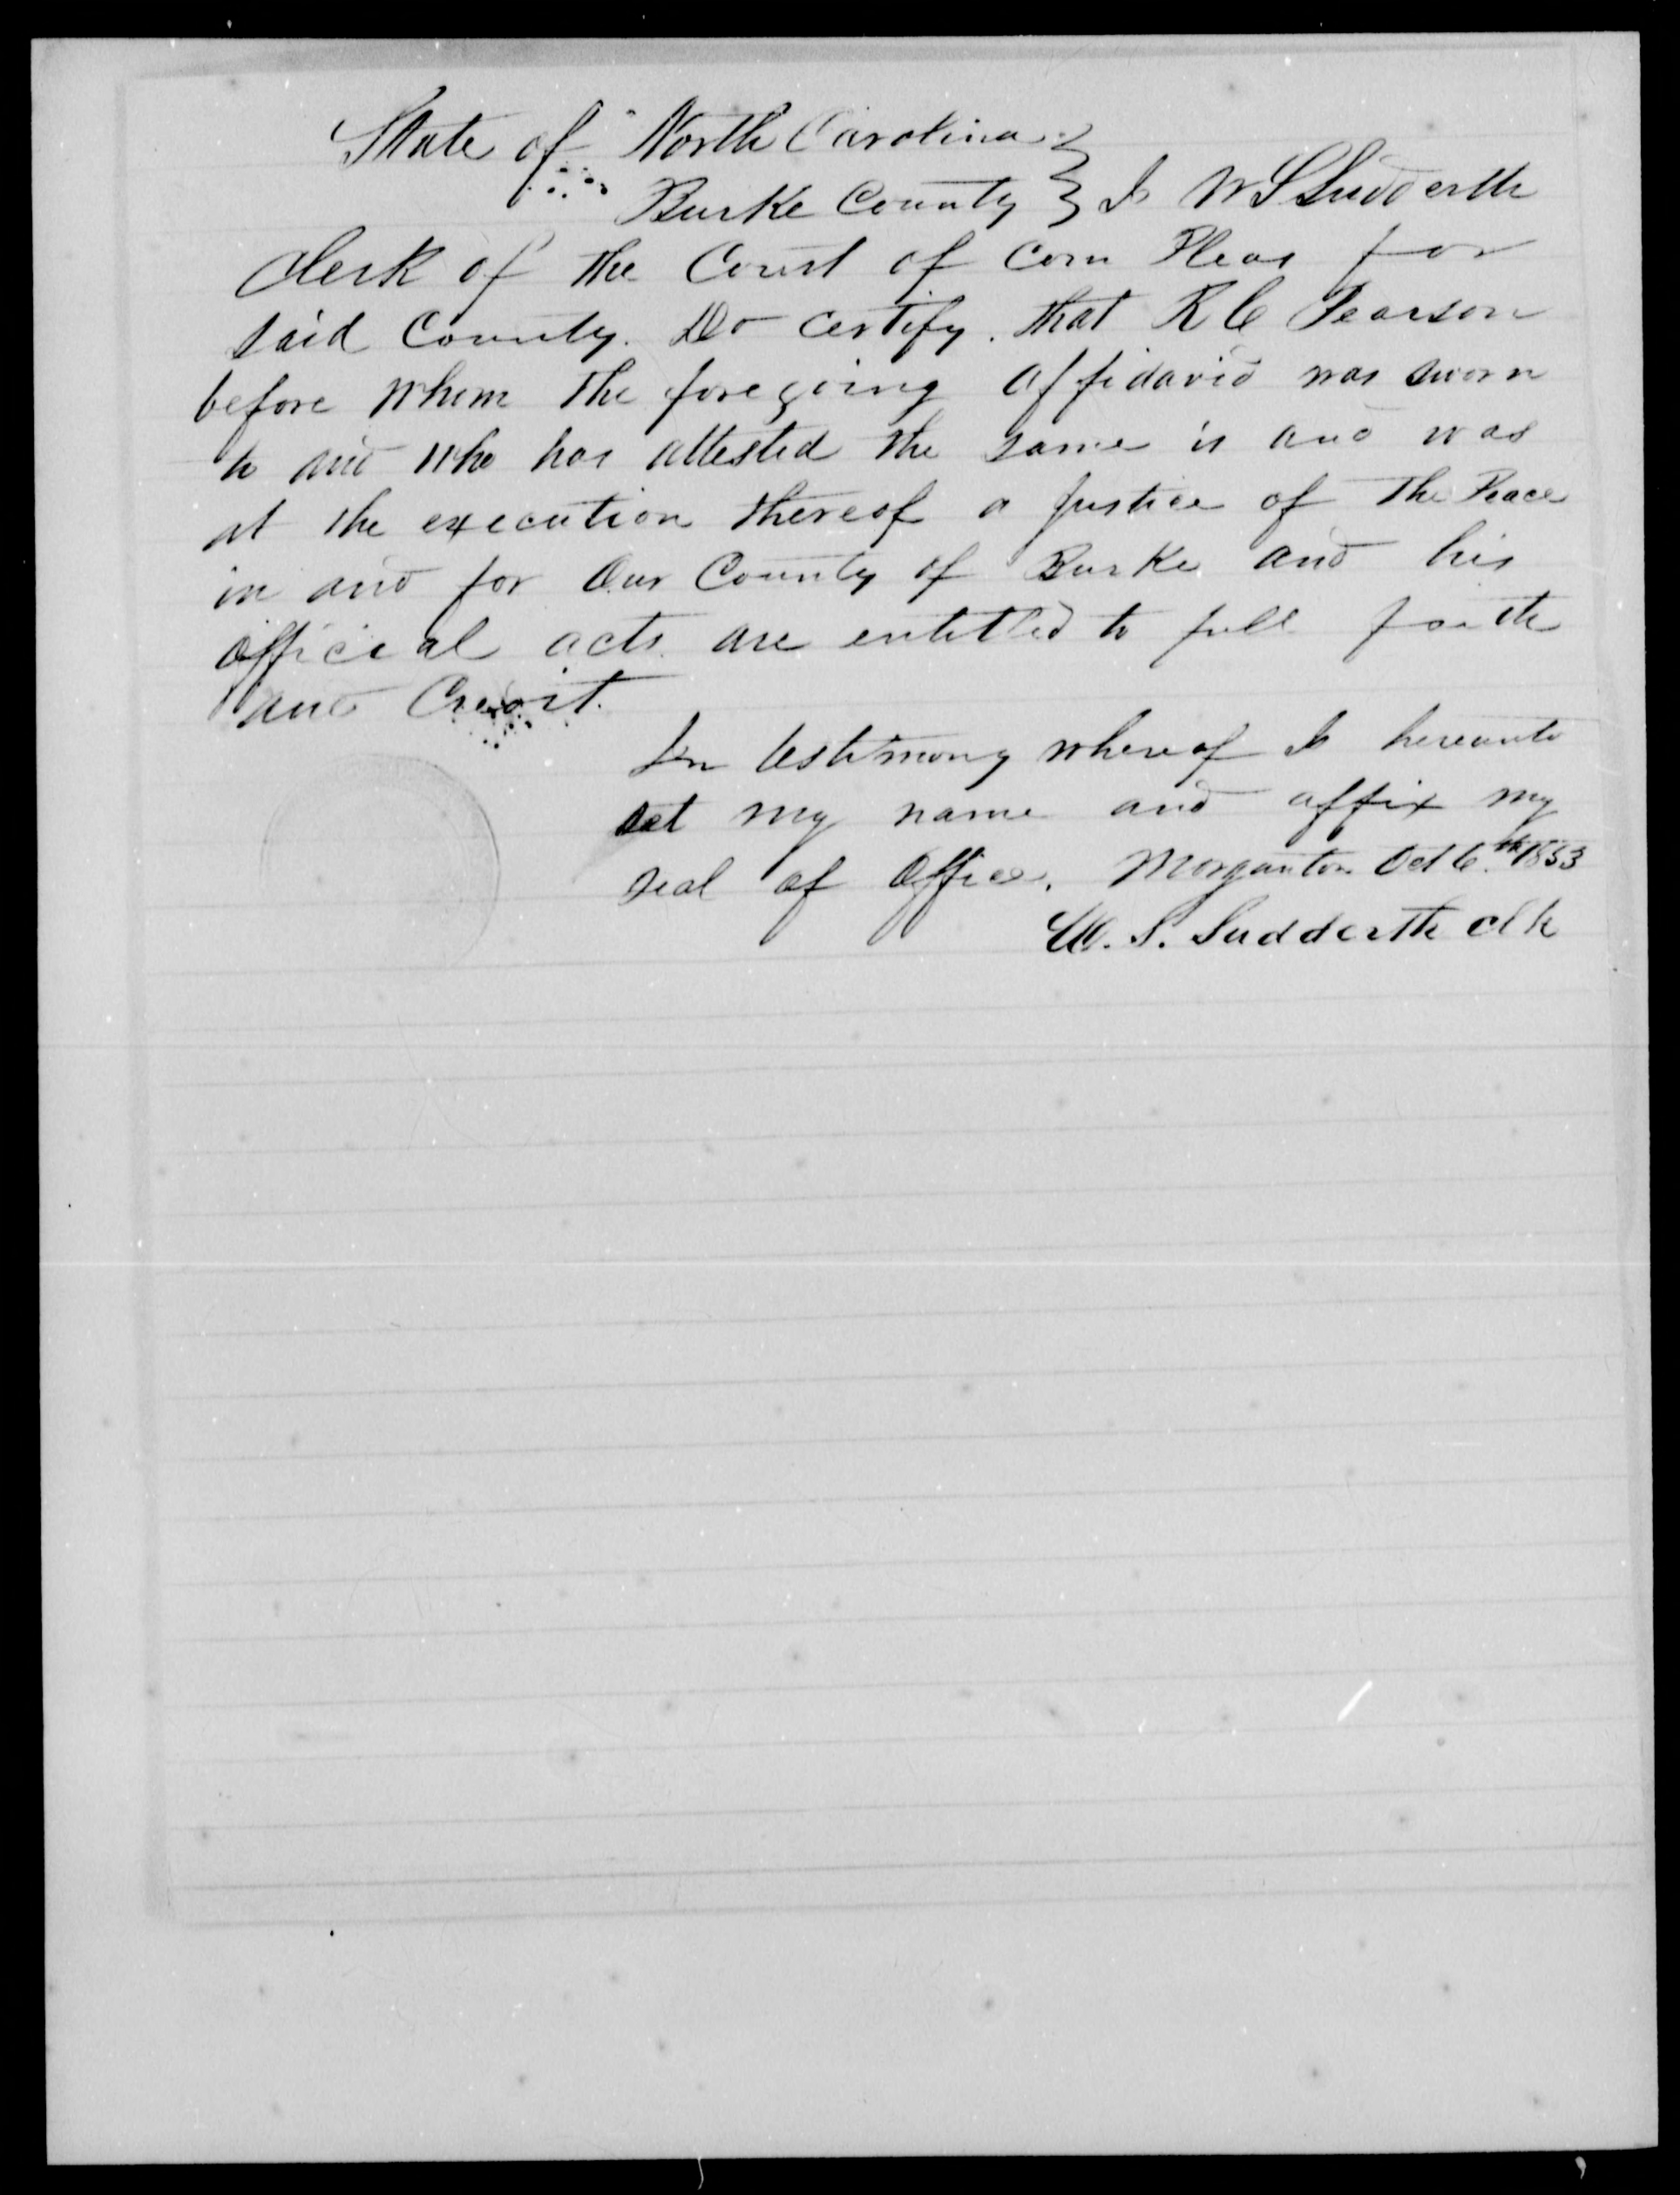State of North Carolina
Burke County ⎬ I W S Sudderth
Clerk of the Court of Com Pleas for
said County. Do certify that R C Pearson
before whom the foregoing affidavit was sworn to and who has attested the same is and was
at the execution thereof a Justice of the Peace
in and for our County of Burke and his
official acts are entitled to full faith
and Credit
In testimony whereof I hereunto
set my name and affix my
seal of Office, Morganton Oct 6th 1853

W. S. Sudderth clk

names: W S Sudderth; W S Sudderth; R C Pearson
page: 54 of 63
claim: widow's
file: W. 6158, for Benjamin Spencer, North Carolina